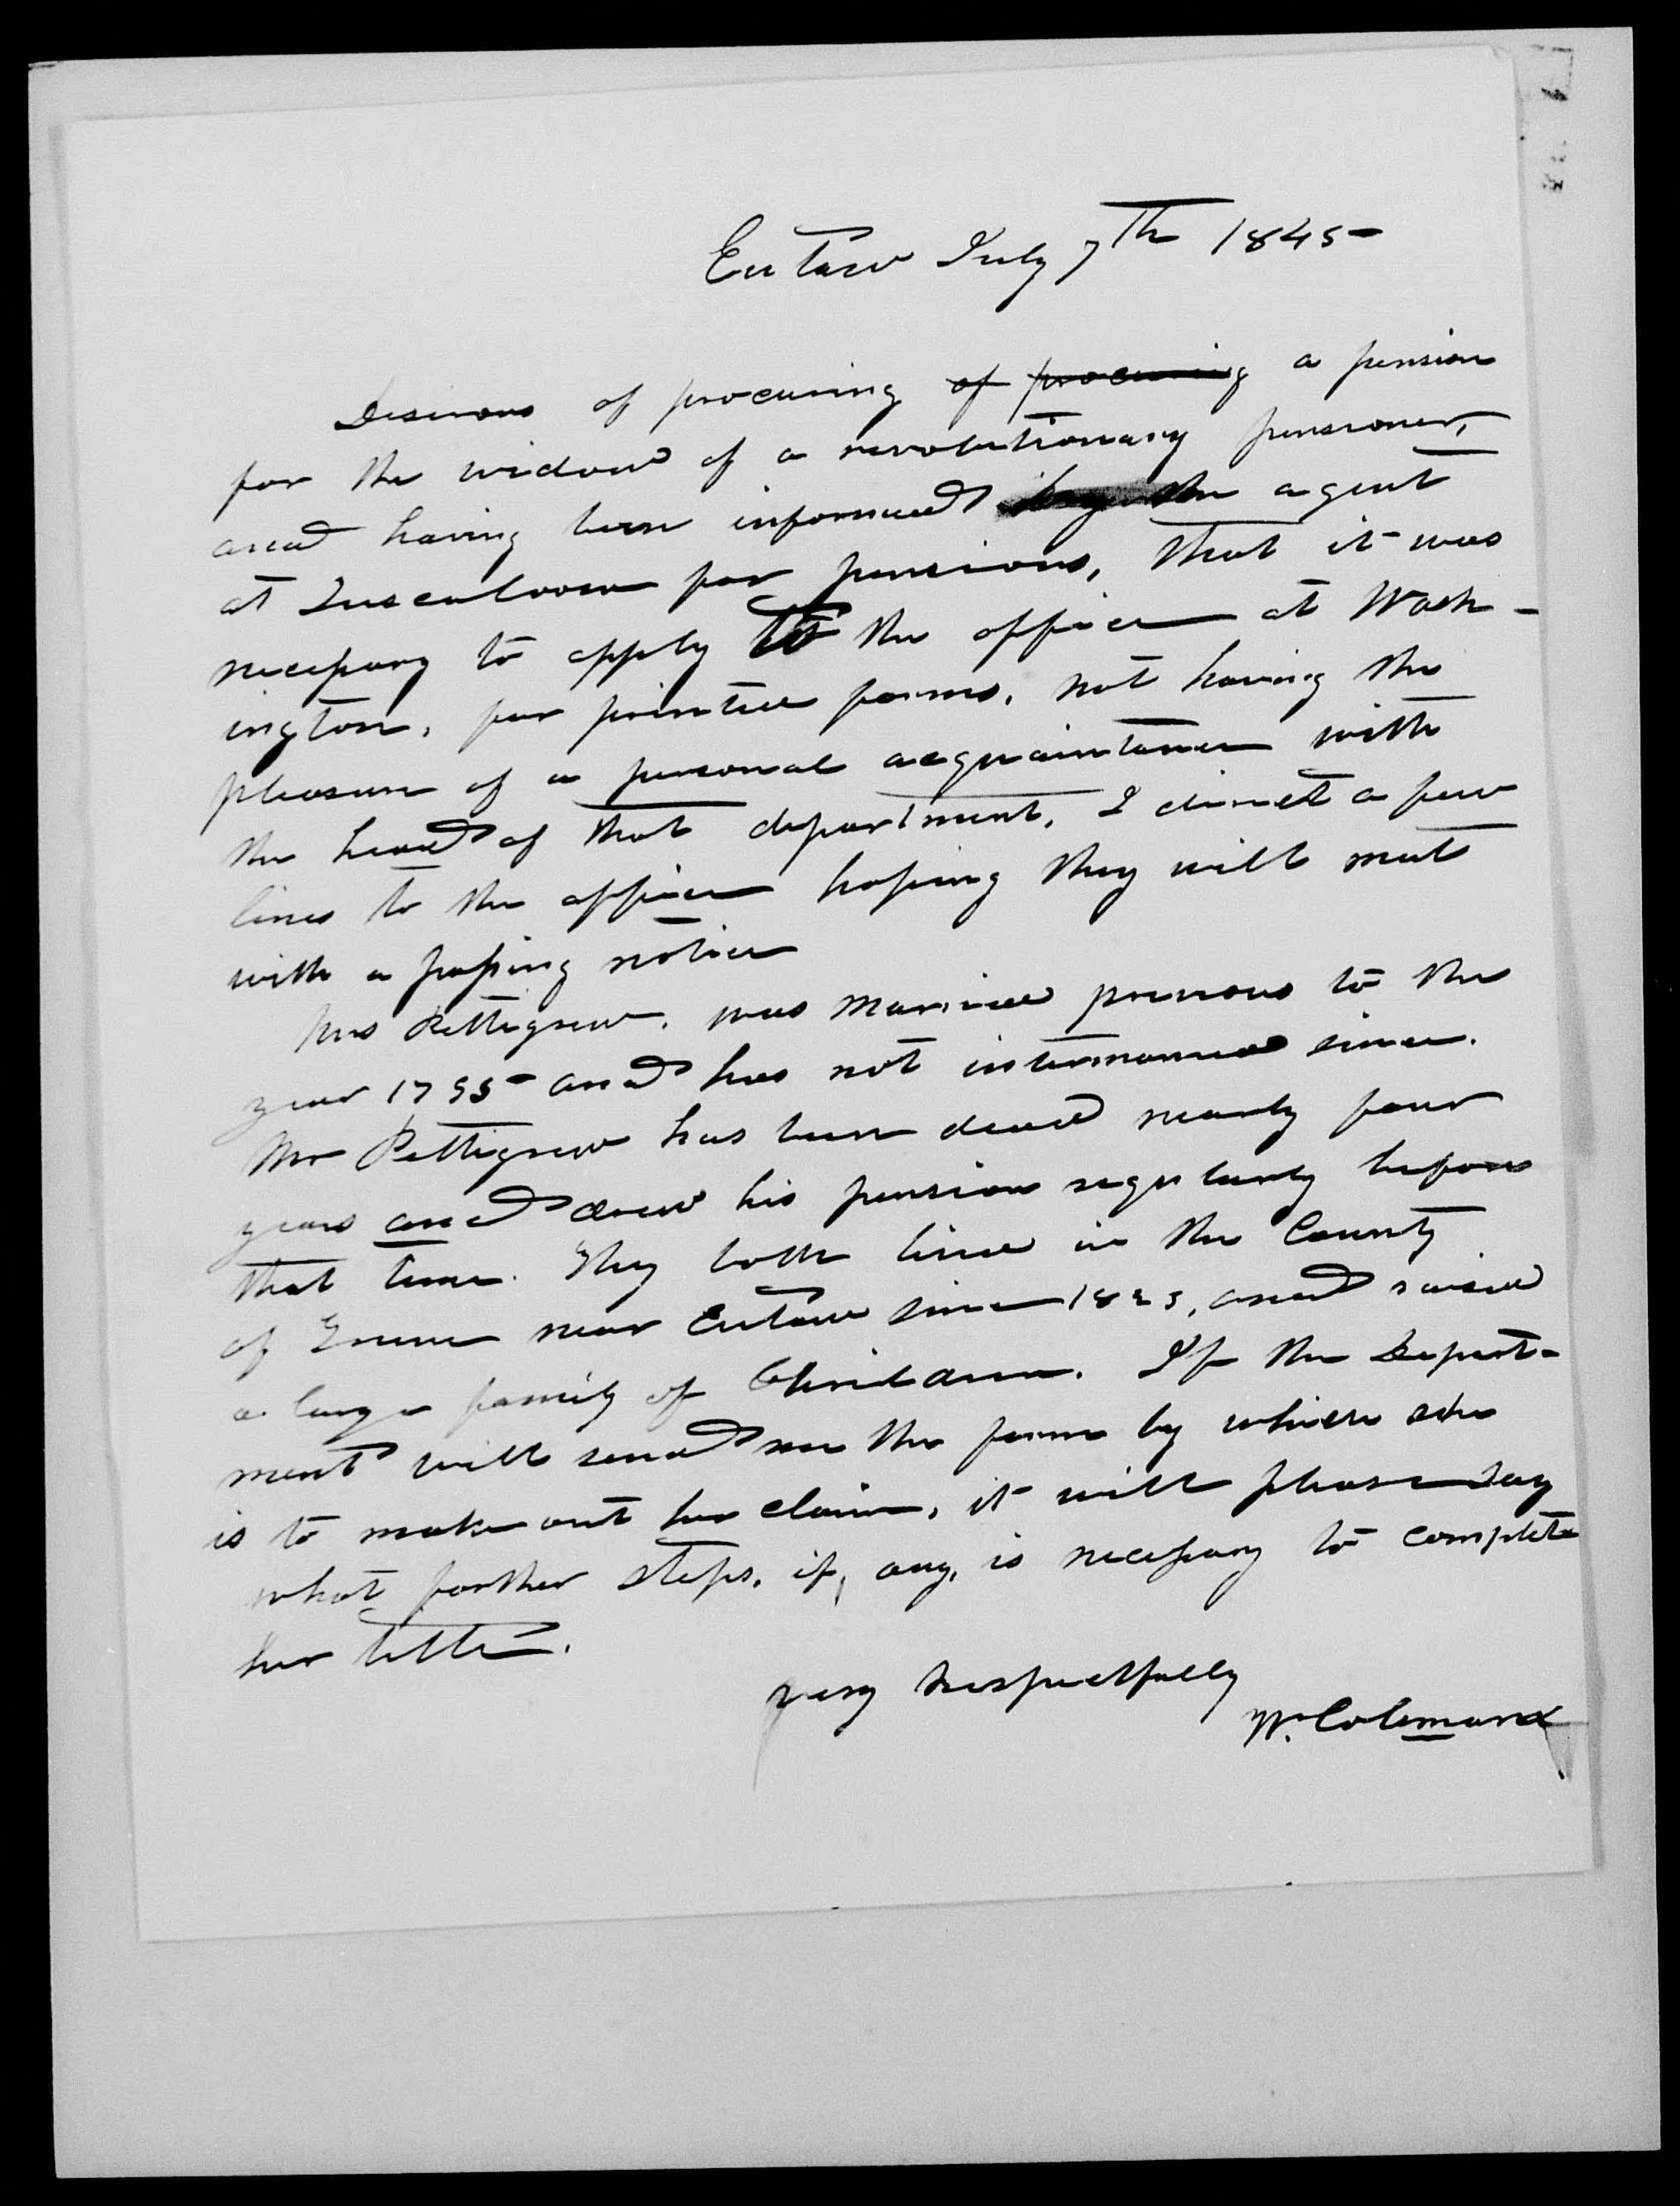Desire of receiving ["of procuring" crossed out] a pension for the widow of a revolutionary pensioner, and having been informed [illegible] agent at Tuscaloosa for pensions, that it was necessary to apply to new office at Washington, for pension forms, not having the pleasure of assistance with the Land of new departments, I joined a few lines in the office hoping they will meet with a passing notice
Mrs. Pettigrew was married previous to year 1755 and has no intermarried since. Mr. Pettigrew has been dead for nearly four years and drew his pension rightly before that time. They have lived in the County of Greene near Eutaw since 1823, raised a large family of children. If new department will send me new forms by which she is to make out his claim, it will please say what further steps, if any, is necessary to complete her title.
Very respectfully
W. Coleman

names: W Coleman; [BLANK] Pettigrew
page: 56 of 92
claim: widow's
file: W. 5522, for James Pettigrew, South Carolina